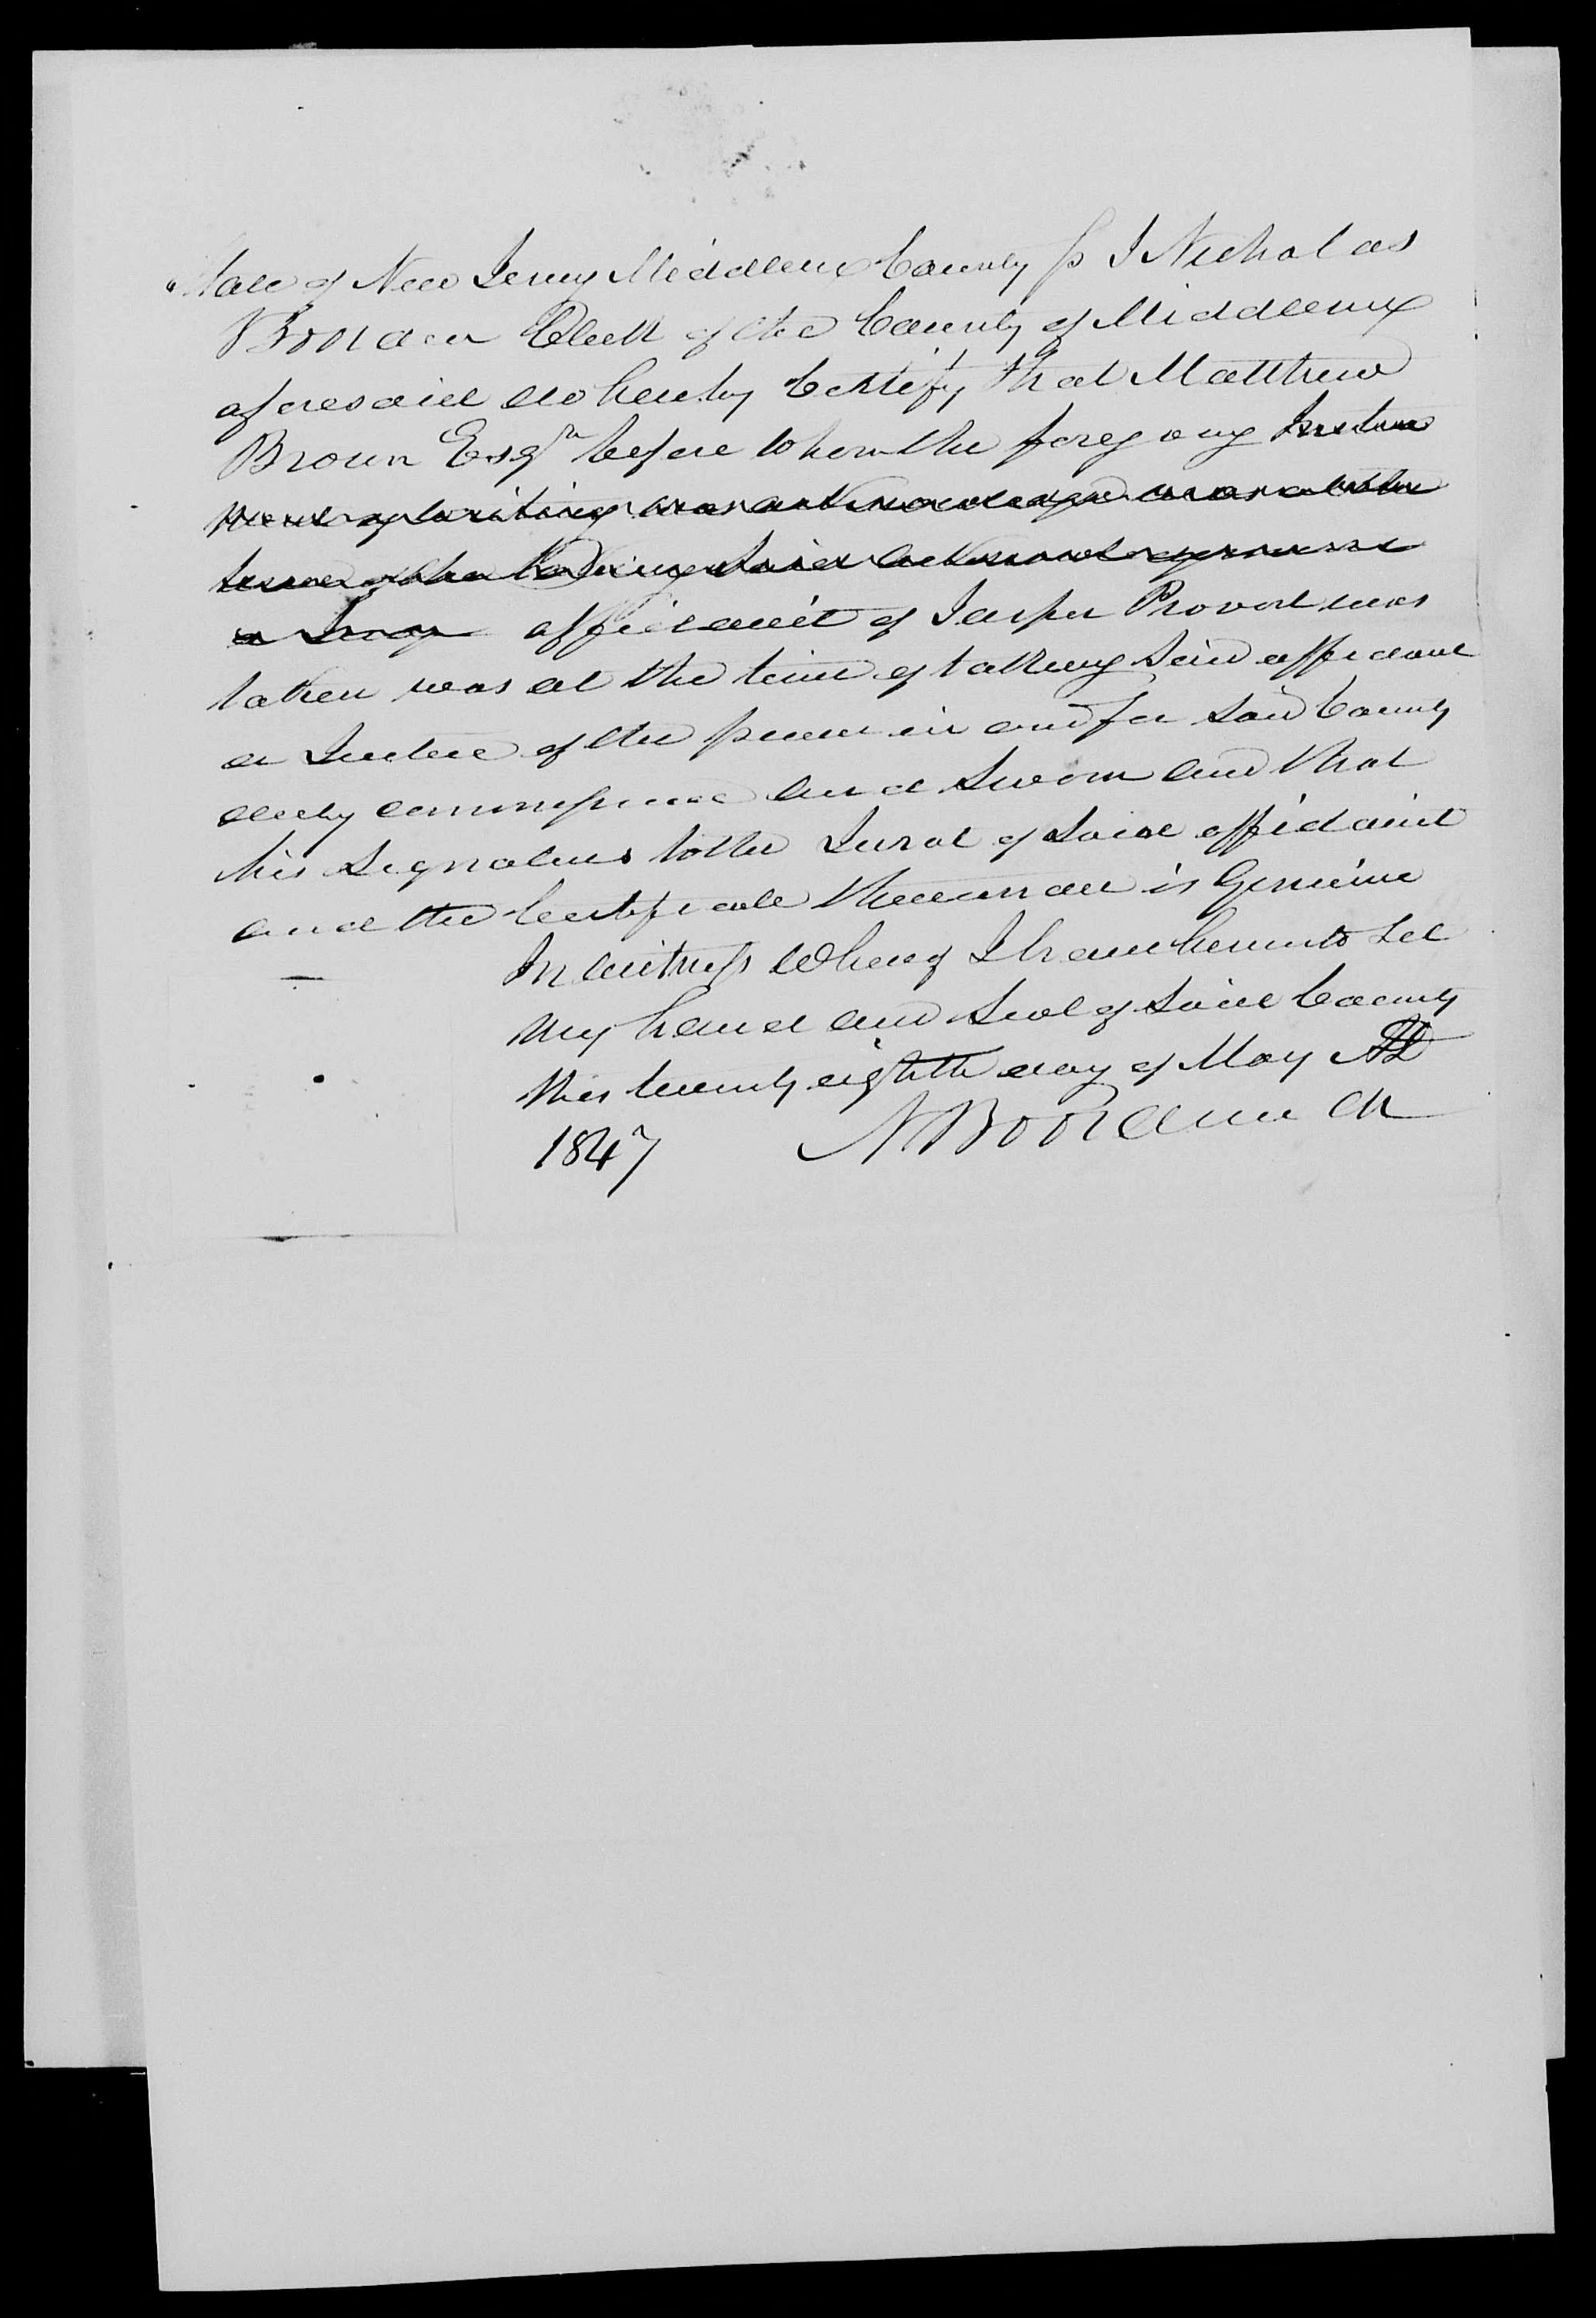State of New Jersey Middlesex County SS I Nicholas Boorem Clerk of the County of Middlesex aforesaid do hereby certify that Matthew Brown Esq before whom the foregoing Justice affidavit of Jasper Provost was taken was at the time of taking said affidavit a Justice of the peace in and for said County duly commissioned and sworn and that his signatures to the Jurat of said affidavit and the Certificate (?) is Genuine In witness whereof I have hereunto set my hand and seal of Said County this twenty eighth day of May AD 1847 N Boorem Clk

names: Jasper Provost; Matthew Brown; Nicholas Booram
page: 14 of 19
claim: rejected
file: R. 8454, for John Provoost, New Jersey